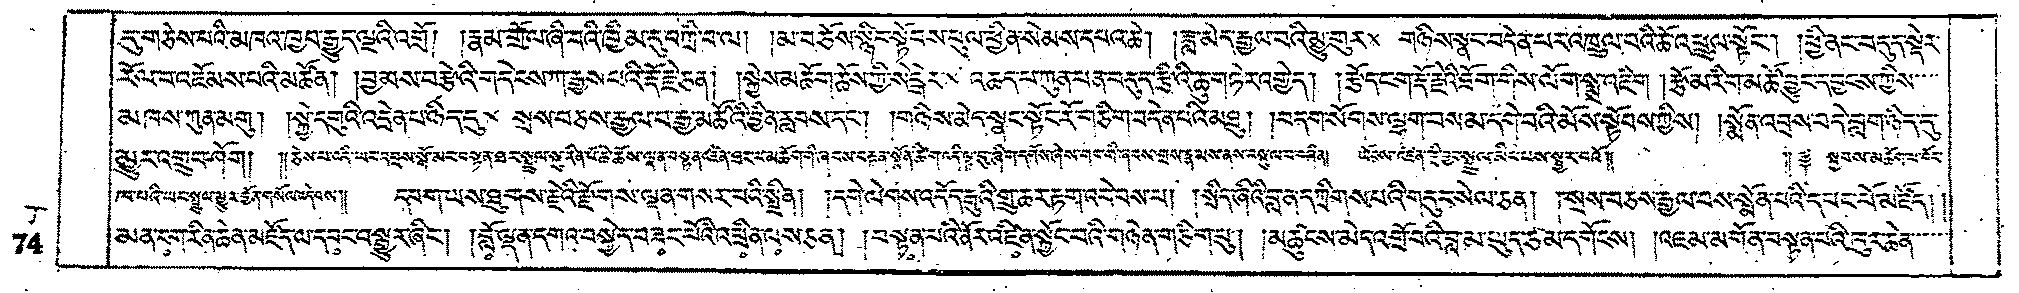དུ་གཅེས་པའི་མཁའ་ཁྱབ་རྒྱུད་ལྔའི་འགྲོ། །རྣམ་གྲོལ་ཞི་བའི་ཁྱིམ་དུ་བཀྲི་བ་ལ། །མ་བཅོས་སྙིང་སྟོབས་ཕུལ་ཕྱིན་སེམས་དཔའ་ཆེ། །ཟླ་མེད་རྒྱལ་བའི་མྱུ་གུར་྾་གཉིས་སྣང་བདེན་པར་འཁྲུལ་པའི་ཆོ་འཕྲུལ་སྟོང་། །ཕྱི་ནང་བདུད་སྡེར་
རོལ་བ་འཇོམས་པའི་མཚོན། །བྱམས་བརྩེའི་གདེངས་ཀ་རྒྱས་པའི་རྡོ་རྗེ་ཅན། །སྐྱེས་མཆོག་ཆོས་ཀྱི་སེངྒེར་྾་འཆད་པ་ཀུན་ཕན་བདུད་རྩིའི་ཆུ་གཏེར་འགྱེད། །རྩོད་ངག་རྡོ་རྗེའི་ཐོག་གིས་ལོག་སྨྲ་འཇིག །རྩོམ་རིག་མཚོ་བྱུང་དབྱངས་ཀྱིས་་་
མཁས་ཀུན་མགུ། །སྐྱེ་དགུའི་འདྲེན་པ་ཉིད་དུ་྾་སྲས་བཅས་རྒྱལ་བ་རྒྱ་མཚོའི་བྱིན་རླབས་དང་། །གཉིས་མེད་སྣང་སྟོང་རོ་གཅིག་བདེན་པའི་མཐུ། །བདག་སོགས་ལྷག་བསམ་དགེ་བའི་མོས་སྟོབས་ཀྱིས། །སྨོན་འབྲས་བདེ་བླག་ཉིད་དུ་
མྱུར་འགྲུབ་ཤོག། །།ཅེས་པ་འདི་ཡང་འབྲས་སྒོ་མང་བསྟན་ཐར་སྤྲུལ་སྐུ་རིན་པོ་ཆེ་ཆོས་ལྡན་བསྟན་འཛིན་ཐར་པ་མཆོག་གི་ཞབས་བརྟན་སྨོན་ཚིག་འདི་ལྟ་བུ་ཞིག་དགོས་ཞེས་གང་གི་ཞབས་གྲས་རྣམས་ནས་བསྐུལ་བ་བཞིན། ཡོངས་འཛིན་ཁྲི་བྱང་སྤྲུལ་མིང་པས་སྦྱར་བའོ།། །།འྶྐྱབས་མཆོག་པ་བོང་
ཁ་པའི་ཡང་སྤྲུལ་མྱུར་བྱོན་གསོལ་འདེབས།། དཔག་ཡས་ཐུགས་རྗེའི་རྫོགས་ལྡན་གསར་པའི་སྤྲིན། །དགེ་ལེགས་འདོད་རྒུའི་གྲུ་ཆར་རྟག་འབེབས་པ། །སྲིད་ཞིའི་བླ་ན་དཀྲིགས་པའི་གདུང་སེལ་ཅན། །སྲས་བཅས་རྒྱལ་བས་སྨོན་པའི་དཔང་པོ་མཛོད། །
མན་ངག྾་རིན་ཆེན་མཛོད་ལ་དབང྾་བསྒྱུར་ཞིང་། །བློ྾་ལྡན་དགའ་བསྐྱེད་བཟང྾་པོའི་འཕྲིན྾་ལས྾་ཅན། །བསྟན྾་པའི་ནོར་འཛིན྾་སྐྱོང་བའི་གཉེན་གཅིག་པུ། །མཚུངས་མེད་འགྲོ་བའི་བླ་མ་ཡུད་ཙམ་དགོངས། །འཇམ་མགོན་བསྟན་པའི་ཁུར་ཆེན་་་